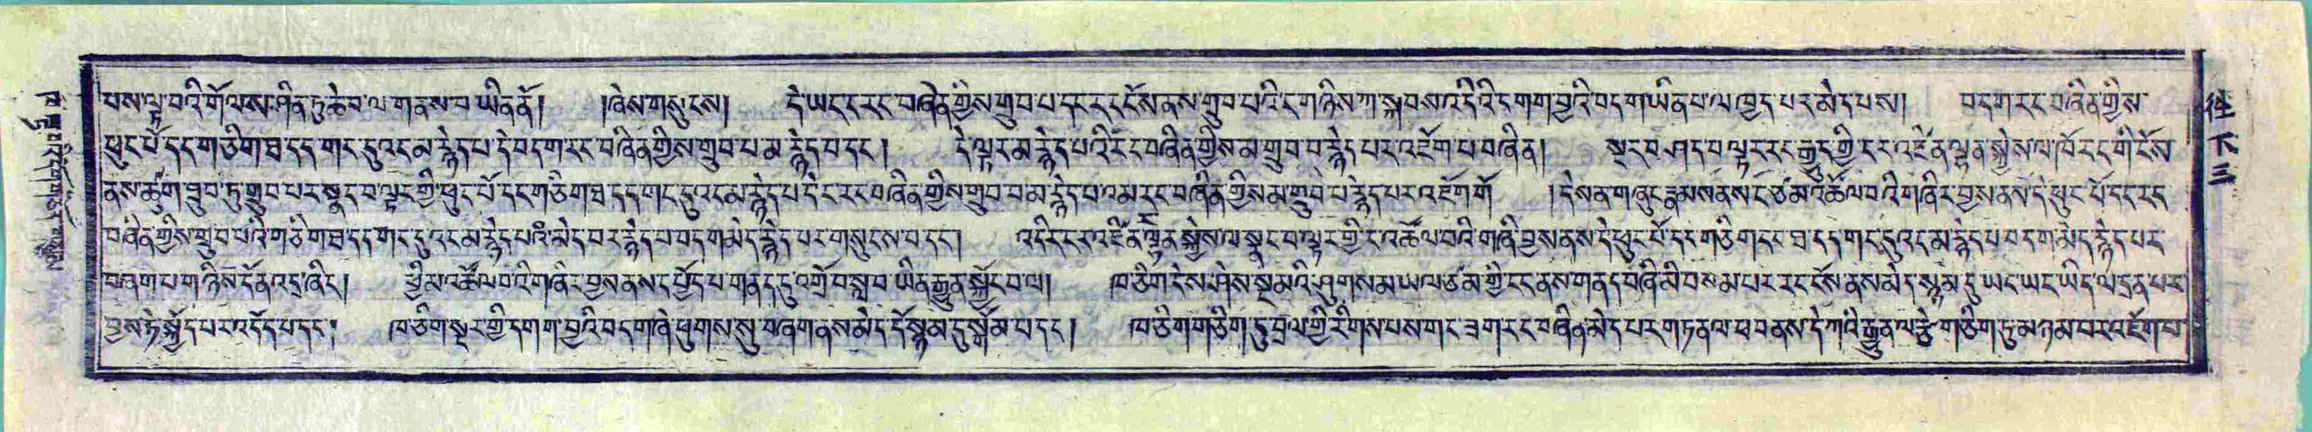པས་ལྟ་བའི་གོ་ལ་པ་ཤིན་ཏུ་ཆེ་བ་ལ་གནས་པ་ཡིན་ནོ། །ཞེས་གསུངས། དེ་ཡང་ང་རང་བཞིན་གྱིས་གྲུབ་པ་དང་རང་ངོས་
ནས་གྲུབ་པའི་དག་ཉིས་ཀ་སྐབས་འདིའི་དགག་བྱའི་པད་གཡིན་པ་ལ་ཁྱད་པར་མེད་པས། བདག་རང་བཞིན་གྱིས་ཕུང་པོ་དང་གཅིག་ཐ་དད་གང་དུའང་མ་རྙེད་པ་དེ་བདག་རང་བཞིན་གྱིས་གྲུབ་པ་
མ་རྙེད་པ་དང་། དེ་ལྟར་མ་རྙེད་པའི་རང་བཞིན་གྱིས་མ་གྲུབ་པ་རྙེད་པར་འཇོག་པ་བཞིན། སྔར་བཤད་པ་ལྟར་རང་རྒྱུད་གྱི་ངར་འཛིན་ལྷན་སྐྱེས་ལ་ཁོ་རང་གི་ངོས་ནས་ཚུག་ཐུབ་ཏུ་གྲུབ་པར་སྣད་
བལྟར་གྱི་ཕུང་པོ་དང་གཅིག་ཐ་དད་གང་དུའང་མ་རྙེད་པ་དེ་ད་རང་བཞིན་གྱིས་གྲུབ་པ་མ་རྙེད་པ་འམ་རང་བཞིན་གྱིས་མ་གྲུབ་པ་རྙེད་པར་འཇོག་གོ །དེས་ན་གཞུང་རྣམས་ནས་ང་ཙམ་འཚོལ་བའི་གཞིར་བྱས་ནས་དེ་ཕུང་པོ་དང་རང་བཞིན་གྱིས་གྲུབ་པའི་གཅིག་ཐ་དད་གང་དུའང་མ་རྙེད་པའམ་མེད་པར་རྙེད་པ་བདག་མེད་རྙེད་པར་གསུངས་པ་དང་། འདིར་དར་འཛིན་ང་ལྷན་སྐྱེས་
ལ་སྣང་བ་ལྟར་གྱི་ང་འཚོལ་བའི་གཞི་བྱས་ནས་དེ་ཕུང་པོ་དང་གཅིག་དང་ཐ་དད་གང་དུའང་མ་རྙེད་པ་བདག་མེད་རྙེད་པར་བཞག་པ་གཉིས་དོན་འདྲ་ཞིང་། ཕྱི་མ་འཚོལ་བའི་གཞིར་
བྱས་ནས་དཔྱོད་པ་གནང་དུ་འགྲོ་བ་སླབ་ཡིན་རྒྱུན་སྐྱོང་བ་ལ། ཁ་ཅིག་དེས་ཤེས་སྔ་མའི་ཤུགས་མ་ཡལ་ཙམ་གྱི་དད་ནས་གནད་བཞི་མི་བསམ་པར་རང་ངོས་ནས་མེད་སྙམ་
དུ་སད་ཡང་ཡིད་ལ་དྲན་པར་བྱས་ཏེ་སྐྱོད་པར་འདོད་པ་དང་། ཁ་ཅིག་སྔར་གྱི་དགག་བྱའི་བདག་ཞེ་ཕུགས་སུ་བཞག་ནས་མེད་དོ་སྙམ་དུ་སྒོམ་པ་དང་། ཁ་ཅིག་གཅིག་ཏུ་བྲལ་
གྱི་རིགས་པས་གང་ཟག་རང་བཞིན་མེད་པར་གཏན་ལ་ཕབ་ནས་དེ་ཀའི་རྒྱུན་ལ་རྩེ་གཅིག་ཏུ་མཉམ་པར་འཇོག་པ་